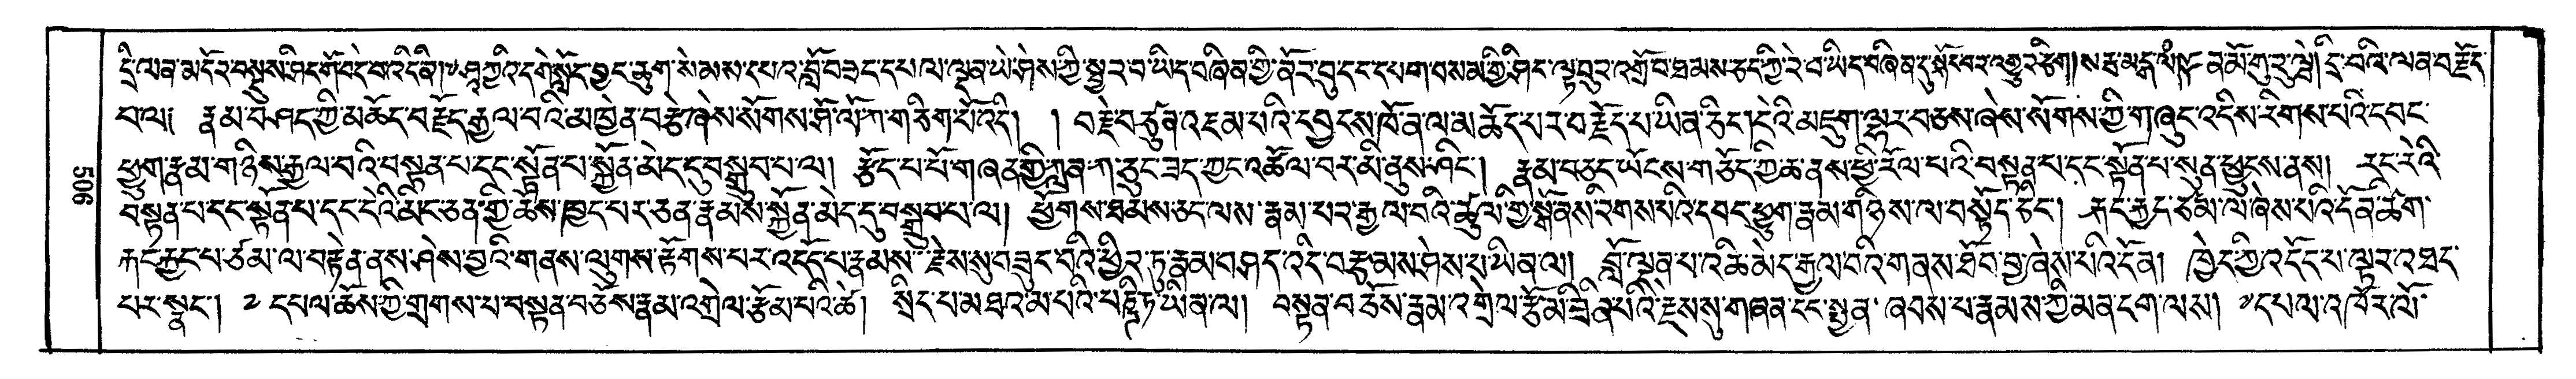དྲི་ལན་མདོར་བསྡུས་ཤིང་གོ་བདེ་བ་འདི་ནི། ༧་ཤཱཀྱའི་དགེ་སློང་བྱང་ཆུབ་སེམས་དཔའ་བློ་བཟང་དཔལ་ལྡན་ཡེ་ཤེས་ཀྱིས་སྦྱར་བ་ཡིད་བཞིན་གྱི་ནོར་བུ་དང་དཔག་བསམ་གྱི་ཤིང་ལྟ་བུར་འགྲོ་བ་ཐམས་ཅད་ཀྱི་རེ་བ་ཡིད་བཞིན་དུ་སྐོང་བར་གྱུར་ཅིག། སརྦ་མངྒ་ལཾ།། ༈ ན་མོ་གུ་ར་ཝེ། དྲི་བའི་ལན་བརྗོད་
པ་ལ༑ རྣམ་བཤད་ཀྱི་མཆོད་བརྗོད་རྒྱལ་བའི་མཁྱེན་བརྩེ་ཞེས་སོགས་ཤོ་ལོ་ཀ་གཅིག་པོ་འདི། ༧་རྗེ་བཙུན་འཇམ་པའི་དབྱངས་ཁོ་ན་ལ་མཆོད་པར་བརྗོད་པ་ཡིན་ཅིང་། དེའི་མཇུག་ལྷར་བཅས་ཞེས་སོགས་ཀྱི་གཞུང་འདིས་རིགས་པའི་དབང་
ཕྱུག་རྣམ་གཉིས་རྒྱལ་བའི་བསྟན་པ་དང་སྟོན་པ་སྐྱོན་མེད་དུ་བསྒྲུབ་པ་ལ། རྩོད་པ་བོ་གཞན་གྱི་ཀླན་ཀ་ཅུང་ཟད་ཀྱང་འཚོལ་བར་མི་ནུས་ཤིང་། རྣམ་བཅད་ཡོངས་གཅོད་ཀྱི་ཆ་ནས་ཕྱི་རོལ་བའི་བསྟན་པ་དང་སྟོན་པ་སུན་ཕྱུངས་ནས། རང་རེའི་
བསྟན་པ་དང་སྟོན་པ་དང་དེའི་མིང་ཅན་གྱི་ཆོས་ཁྱད་པར་ཅན་རྣམས་སྐྱོན་མེད་དུ་བསྒྲུབ་པ་ལ། ཕྱོགས་ཐམས་ཅད་ལས་རྣམ་པར་རྒྱལ་བའི་ཚུལ་གྱི་སྒོ་ནས་རིགས་པའི་དབང་ཕྱུག་རྣམ་གཉིས་ལ་བསྟོད་ཅིང་། རྐང་རྐྱང་ཙམ་ལ་ཞེས་པའི་དོན་ཚིག་
རྐང་རྐྱང་བ་ཙམ་ལ་བརྟེན་ནས་ཤེས་བྱའི་གནས་ལུགས་རྟོགས་པར་འདོད་པ་རྣམས་རྗེས་སུ་བཟུང་བའི་ཕྱིར་ཏུ་རྣམ་བཤད་འདི་བརྩམས་ཞེས་པ་ཡིན་ལ། བློ་ལྡན་འཆི་མེད་རྒྱལ་བའི་གནས་ཐོབ་བྱ་ཞེས་པའི་དོན། ཁྱེད་ཀྱི་འདོད་པ་ལྟར་འཐད་
པར་སྣང་། ༧་དཔལ་ཆོས་ཀྱི་གྲགས་པ་བསྟན་བཅོས་རྣམ་འགྲེལ་རྩོམ་པའི་ཚེ། སྲིད་པ་མཐའ་མ་པའི་པཎྜི་ཏ་ཡིན་ལ། བསྟན་བཅོས་རྣམ་འགྲེལ་རྩོམ་ཟིན་པའི་རྗེས་སུ་ཐག་ན་དང་སྨན་ཞབས་པ་རྣམས་ཀྱི་མན་ངག་ལས། ༧་དཔལ་འཁོར་ལོ་